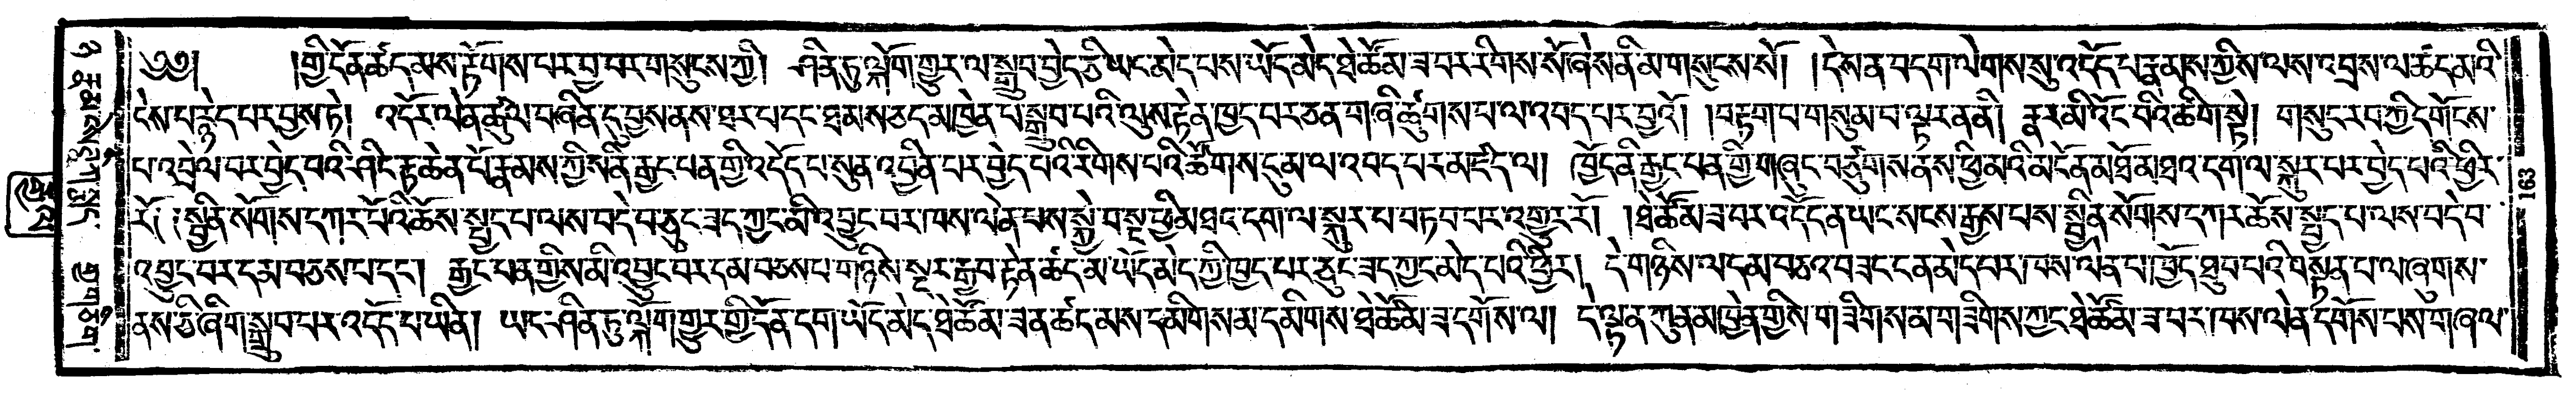༄༅། །གྱི་དོན་ཚད་མས་རྟོགས་པར་བྱ་བར་གསུངས་ཀྱི། ཤིན་ཏུ་ལྐོག་གྱུར་ལ་སྒྲུབ་བྱེད་ཅི་ཡང་མེད་པས་ཡོད་མེད་ཐེ་ཚོམ་ཟ་བར་རིགས་སོ་ཞེས་ནི་མ་གསུངས་སོ། །དེས་ན་བདག་ལེགས་སུ་འདོད་པ་རྣམས་ཀྱིས་ལས་འབྲས་ལ་ཚད་མའི་
ངེས་པ་རྙེད་པར་བྱས་ཏེ། འདོར་ལེན་ཚུལ་བཞིན་དུ་བྱས་ནས་ཐར་པ་དང་ཐམས་ཅད་མཁྱེན་པ་སྒྲུབ་པའི་ལུས་རྟེན་ཁྱད་བར་ཅན་གཞི་ཚུགས་པ་ལ་འབད་པར་བྱའོ། །བརྟག་པ་གསུམ་བ་ལྟར་ན་ནི། རྣར་མི་འོང་བའི་ཚིག་སྟེ། གསུང་རབ་ཀྱི་དགོངས་
པ་འབྲེལ་བར་བྱེད་པའི་ཤིང་རྟ་ཆེན་པོ་རྣམས་ཀྱིས་ནི་རྒྱད་པན་གྱི་འདོད་པ་སུན་འབྱིན་པར་བྱེད་པའི་རིགས་པའི་ཚོགས་དུ་མ་ལ་འབད་པར་མཛད་ལ། ཁྱོད་ནི་རྒྱད་པན་གྱི་གཞུང་བཙུགས་ནས་ཕྱི་མའི་མངོན་མཐོ་མཐའ་དག་ལ་སྐུར་པར་བྱེད་པའི་ཕྱིར་
རོ༑ ༑སྦྱིན་སོགས་དཀར་པོའི་ཆོས་སྤྱད་པ་ལས་བདེ་བ་ཅུང་ཟད་ཀྱང་མི་འབྱུང་བར་ཁས་ལེན་པས་སྐྱེ་བ་སྔ་ཕྱི་མཐའ་དག་ལ་སྐུར་པ་བཏབ་པར་འགྱུར་རོ། །ཐེ་ཚོམ་ཟ་བར་འདོད་ན་ཡང་སངས་རྒྱས་པས་སྦྱིན་སོགས་དཀར་ཆོས་སྤྱད་པ་ལས་བདེ་བ་
འབྱུང་བར་དམ་བཅས་པ་དང་། རྒྱད་པན་གྱིས་མི་འབྱུང་བར་དམ་བཅས་པ་གཉིས་སྔར་རྒྱབ་རྟེན་ཚད་མ་ཡོད་མེད་ཀྱི་ཁྱད་པར་ཅུང་ཟད་ཀྱང་མེད་པའི་ཕྱིར། དེ་གཉིས་ལ་དམ་བཅའ་བཟང་ན་མེད་པར་ཁས་ལེན་པ་ཁྱོད་ཐུབ་པའི་བསྟན་པ་ལ་ཞུགས་
ནས་ཅི་ཞིག་སྒྲུབ་པར་འདོད་པ་ཡིན། ཡང་ཤིན་ཏུ་ལྐོག་གྱུར་གྱི་དོན་དག་ཡོད་མེད་ཐེ་ཚོམ་ཟ་ན་ཚད་མས་དམིགས་མ་དམིགས་ཐེ་ཚོམ་ཟ་དགོས་ལ། དེ་ལྟ་ན་ཀུན་མཁྱེན་གྱིས་གཟིགས་མ་གཟིགས་ཀྱང་ཐེ་ཚོམ་ཟ་བར་ཁས་ལེན་དགོས་པས་གཞལ་